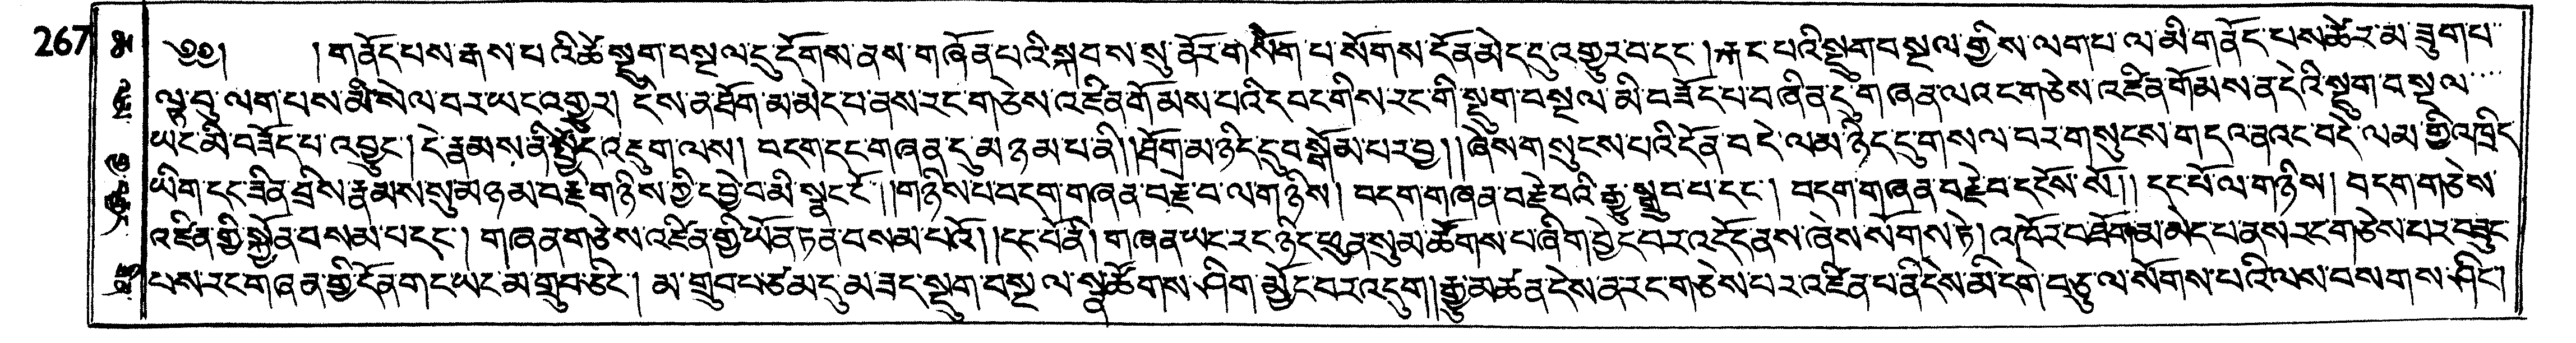༄༅། །གནོད་པས་རྒས་པའི་ཚེ་སྡུག་བསྔལ་དུ་དོགས་ནས་གཞོན་པའི་སྐབས་སུ་ནོར་གསོག་པ་སོགས་དོན་མེད་དུ་འགྱུར་བ་དང་། རྐང་པའི་སྡུག་བསྔལ་གྱིས་ལག་པ་ལ་མི་གནོད་པས་ཚེར་མ་ཟུག་པ་
ལྟ་བུ་ལག་པས་མི་སེལ་བར་ཡང་འགྱུར། དེས་ན་ཐོག་མ་མེད་པ་ནས་རང་གཅེས་འཛིན་གོམས་པའི་དབང་གིས་རང་གི་སྡུག་བསྔལ་མི་བཟོད་པ་བཞིན་དུ་གཞན་ལའང་གཅེས་འཛིན་གོམས་ན་དེའི་སྡུག་བསྔལ་
ཡང་མི་བཟོད་པ་འབྱུང་། དེ་རྣམས་ནི་སྤྱོད་འཇུག་ལས། བདག་དང་གཞན་དུ་མཉམ་པ་ནི། །ཐོག་མ་ཉིད་དུ་བསྒོམ་པར་བྱ། །ཞེས་གསུངས་པའི་དོན་བདེ་ལམ་ཉིད་དུ་གསལ་བར་གསུངས་གདའ་ནའང་བདེ་ལམ་གྱི་འཁྲིད་
ཡིག་དང་ཟིན་བྲིས་རྣམས་སུ་མཉམ་བརྗེ་གཉིས་ཀྱི་དབྱེ་བ་མི་སྣང་ངོ། །གཉིས་པ་བདག་གཞན་བརྗེ་བ་ལ་གཉིས། བདག་གཞན་བརྗེ་བའི་རྒྱུ་སྒྲུབ་པ་དང་། བདག་གཞན་བརྗེ་བ་དངོས་སོ། །དང་པོ་ལ་གཉིས། བདག་གཅེས་
འཛིན་གྱི་སྐྱོན་བསམ་པ་དང་། གཞན་གཅེས་འཛིན་གྱི་ཡོན་ཏན་བསམ་པའོ། །དང་པོ་ནི། གཞན་ཡང་རང་ཉིད་ཕུན་སུམ་ཚོགས་པ་ཞིག་བྱེད་པར་འདོད་ནས་ཞེས་སོགས་ཏེ། འཁོར་བ་ཐོག་མ་མེད་པ་ནས་རང་གཅེས་པར་བཟུང་
པས་རང་གཞན་གྱི་དོན་གང་ཡང་མ་གྲུབ་ཅིང་། མ་གྲུབ་པ་ཙམ་དུ་མ་ཟད་སྡུག་བསྔལ་སྣ་ཚོགས་ཤིག་མྱོང་བར་འདུག །རྒྱུ་མཚན་དེས་ན་རང་གཅེས་པར་འཛིན་པ་ནི་དེས་མི་དགེ་བཅུ་ལ་སོགས་པའི་ལས་བསགས་ཤིང་།